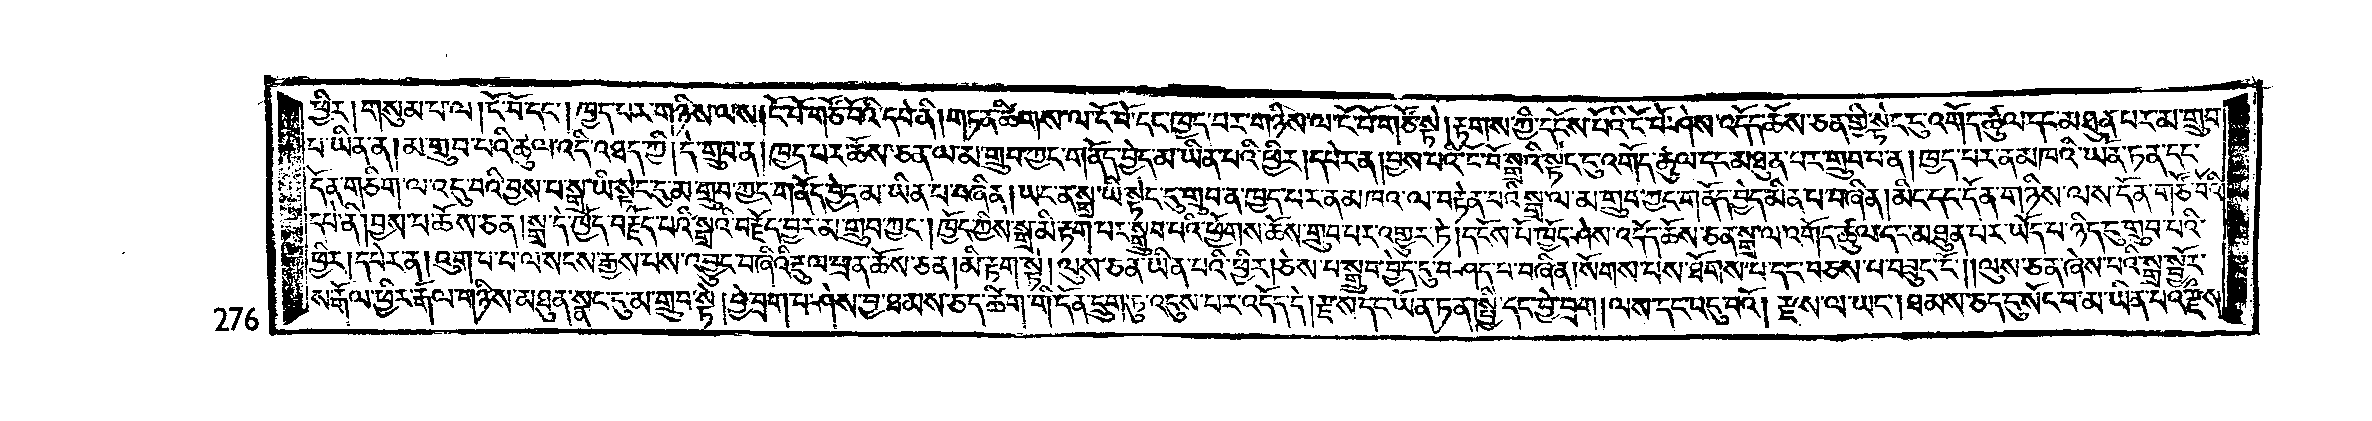ཕྱིར། གསུམ་པ་ལ། ངོ་བོ་དང་། ཁྱད་པར་གཉིས་ལས། ངོ་བོ་གཙོ་བོའི་དཔེ་ནི། གཏན་ཚིགས་ལ་ངོ་བོ་དང་ཁྱད་པར་གཉིས་ལ་ངོ་བོ་གཙོ་སྟེ། རྟགས་ཀྱི་དངོས་པོའི་ངོ་བོ་ཤེས་འདོད་ཆོས་ཅན་གྱི་སྟེང་དུ་འགོད་ཚུལ་དང་མཐུན་པར་མ་གྲུབ་
པ་ཡིན་ན། མ་གྲུབ་པའི་ཚུལ་འདི་འཐད་ཀྱི། དེ་གྲུབ་ན། ཁྱད་པར་ཆོས་ཅན་ལ་མ་གྲུབ་ཀྱང་གནོད་བྱེད་མ་ཡིན་པའི་ཕྱིར། དཔེར་ན། བྱས་པའི་ངོ་བོ་སྒྲའི་སྟེང་དུ་འགོད་ཚུལ་དང་མཐུན་པར་གྲུབ་པ་ན། ཁྱད་པར་ནམ་མཁའི་ཡོན་ཏན་དང་
དོན་གཅིག་ལ་འདུ་བའི་བྱས་པ་སྒྲ་ཡི་སྟེང་དུ་མ་གྲུབ་ཀྱང་གནོད་བྱེད་མ་ཡིན་པ་བཞིན། ཡང་ན་སྒྲ་ཡི་སྟེང་དུ་གྲུབ་ན་ཁྱད་པར་ནམ་མཁའ་ལ་བརྟེན་པའི་སྒྲ་ལ་མ་གྲུབ་ཀྱང་གནོད་བྱེད་མིན་པ་བཞིན། མིང་དང་དོན་གཉིས་ལས་དོན་གཙོ་བོའི་
དཔེ་ནི། བྱས་པ་ཆོས་ཅན། སྒྲ་དེ་ཁྱོད་བརྗོད་པའི་སྒྲའི་བརྗོད་བྱར་མ་གྲུབ་ཀྱང་། ཁྱོད་ཀྱིས་སྒྲ་མི་རྟག་པར་སྒྲུབ་པའི་ཕྱོགས་ཆོས་གྲུབ་པར་འགྱུར་ཏེ། དངོས་པོ་ཁྱོད་ཤེས་འདོད་ཆོས་ཅན་སྒྲ་ལ་འགོད་ཚུལ་དང་མཐུན་པར་ཡོད་པ་ཉིད་དུ་གྲུབ་པའི་
ཕྱིར། དཔེར་ན། འུག་པ་པ་ལ་སངས་རྒྱས་པས་འབྱུང་བཞིའི་རྡུལ་ཕྲན་ཆོས་ཅན། མི་རྟག་སྟེ། ལུས་ཅན་ཡིན་པའི་ཕྱིར། ཅེས་པ་སྒྲུབ་བྱེད་དུ་བཤད་པ་བཞིན། སོགས་པས་ཐོགས་པ་དང་བཅས་པ་བཟུང་ངོ། །ལུས་ཅན་ཞེས་པའི་སྒྲ་སྦྱོར་
ས་རྒོལ་ཕྱིར་རྒོལ་གཉིས་མཐུན་སྣང་དུ་མ་གྲུབ་སྟེ། བྱེ་བྲག་པ་ཤེས་བྱ་ཐམས་ཅད་ཚིག་གི་དོན་དྲུག་ཏུ་འདུས་པར་འདོད་དེ། རྫས་དང་ཡོན་ཏན། སྤྱི་དང་བྱེ་བྲག །ལས་དང་འདུ་བའོ། རྫས་ལ་ཡང་། ཐམས་ཅད་དུ་སོང་བ་མ་ཡིན་པའི་རྫས་